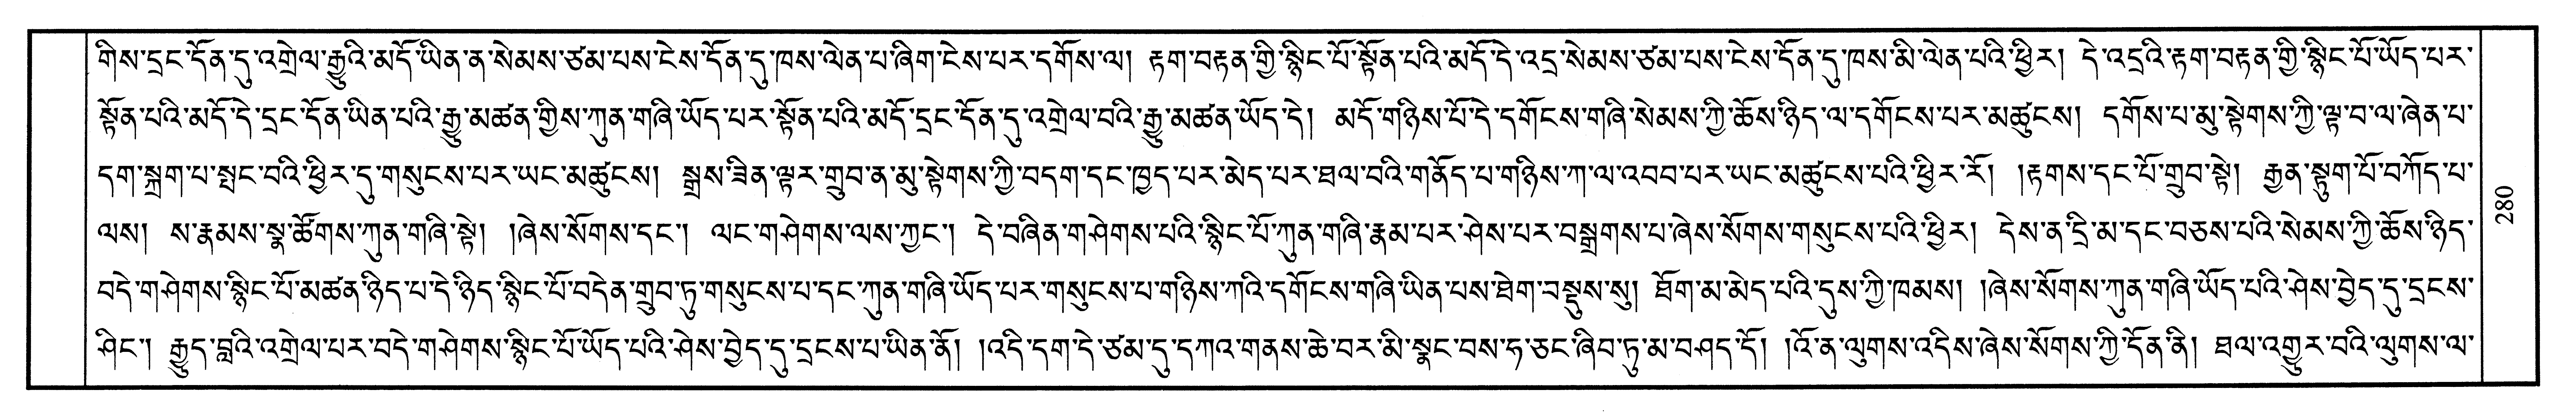གིས་དྲང་དོན་དུ་འགྲེལ་རྒྱུའི་མདོ་ཡིན་ན་སེམས་ཙམ་པས་ངེས་དོན་དུ་ཁས་ལེན་པ་ཞིག་ངེས་པར་དགོས་ལ། རྟག་བརྟན་གྱི་སྙིང་པོ་སྟོན་པའི་མདོ་དེ་འདྲ་སེམས་ཙམ་པས་ངེས་དོན་དུ་ཁས་མི་ལེན་པའི་ཕྱིར། དེ་འདྲའི་རྟག་བརྟན་གྱི་སྙིང་པོ་ཡོད་པར་
སྟོན་པའི་མདོ་དེ་དྲང་དོན་ཡིན་པའི་རྒྱུ་མཚན་གྱིས་ཀུན་གཞི་ཡོད་པར་སྟོན་པའི་མདོ་དྲང་དོན་དུ་འགྲེལ་བའི་རྒྱུ་མཚན་ཡོད་དེ། མདོ་གཉིས་པོ་དེ་དགོངས་གཞི་སེམས་ཀྱི་ཆོས་ཉིད་ལ་དགོངས་པར་མཚུངས། དགོས་པ་མུ་སྟེགས་ཀྱི་ལྟ་བ་ལ་ཞེན་པ་
དག་སྐྲག་པ་སྤང་བའི་ཕྱིར་དུ་གསུངས་པར་ཡང་མཚུངས། སྒྲས་ཟིན་ལྟར་གྲུབ་ན་མུ་སྟེགས་ཀྱི་བདག་དང་ཁྱད་པར་མེད་པར་ཐལ་བའི་གནོད་པ་གཉིས་ཀ་ལ་འབབ་པར་ཡང་མཚུངས་པའི་ཕྱིར་རོ། །རྟགས་དང་པོ་གྲུབ་སྟེ། རྒྱན་སྟུག་པོ་བཀོད་པ་
ལས། ས་རྣམས་སྣ་ཚོགས་ཀུན་གཞི་སྟེ། །ཞེས་སོགས་དང་། ལང་གཤེགས་ལས་ཀྱང་། དེ་བཞིན་གཤེགས་པའི་སྙིང་པོ་ཀུན་གཞི་རྣམ་པར་ཤེས་པར་བསྒྲགས་པ་ཞེས་སོགས་གསུངས་པའི་ཕྱིར། དེས་ན་དྲི་མ་དང་བཅས་པའི་སེམས་ཀྱི་ཆོས་ཉིད་
བདེ་གཤེགས་སྙིང་པོ་མཚན་ཉིད་པ་དེ་ཉིད་སྙིང་པོ་བདེན་གྲུབ་ཏུ་གསུངས་པ་དང་ཀུན་གཞི་ཡོད་པར་གསུངས་པ་གཉིས་ཀའི་དགོངས་གཞི་ཡིན་པས་ཐེག་བསྡུས་སུ། ཐོག་མ་མེད་པའི་དུས་ཀྱི་ཁམས། །ཞེས་སོགས་ཀུན་གཞི་ཡོད་པའི་ཤེས་བྱེད་དུ་དྲངས་
ཤིང་། རྒྱུད་བླའི་འགྲེལ་པར་བདེ་གཤེགས་སྙིང་པོ་ཡོད་པའི་ཤེས་བྱེད་དུ་དྲངས་པ་ཡིན་ནོ། །འདི་དག་དེ་ཙམ་དུ་དཀའ་གནས་ཆེ་བར་རྨི་སྣང་བས་ཧ་ཅང་ཞིབ་ཏུ་མ་བཤད་དོ། །འོ་ན་ལུགས་འདིས་ཞེས་སོགས་ཀྱི་དོན་ནི། ཐལ་འགྱུར་བའི་ལུགས་ལ་